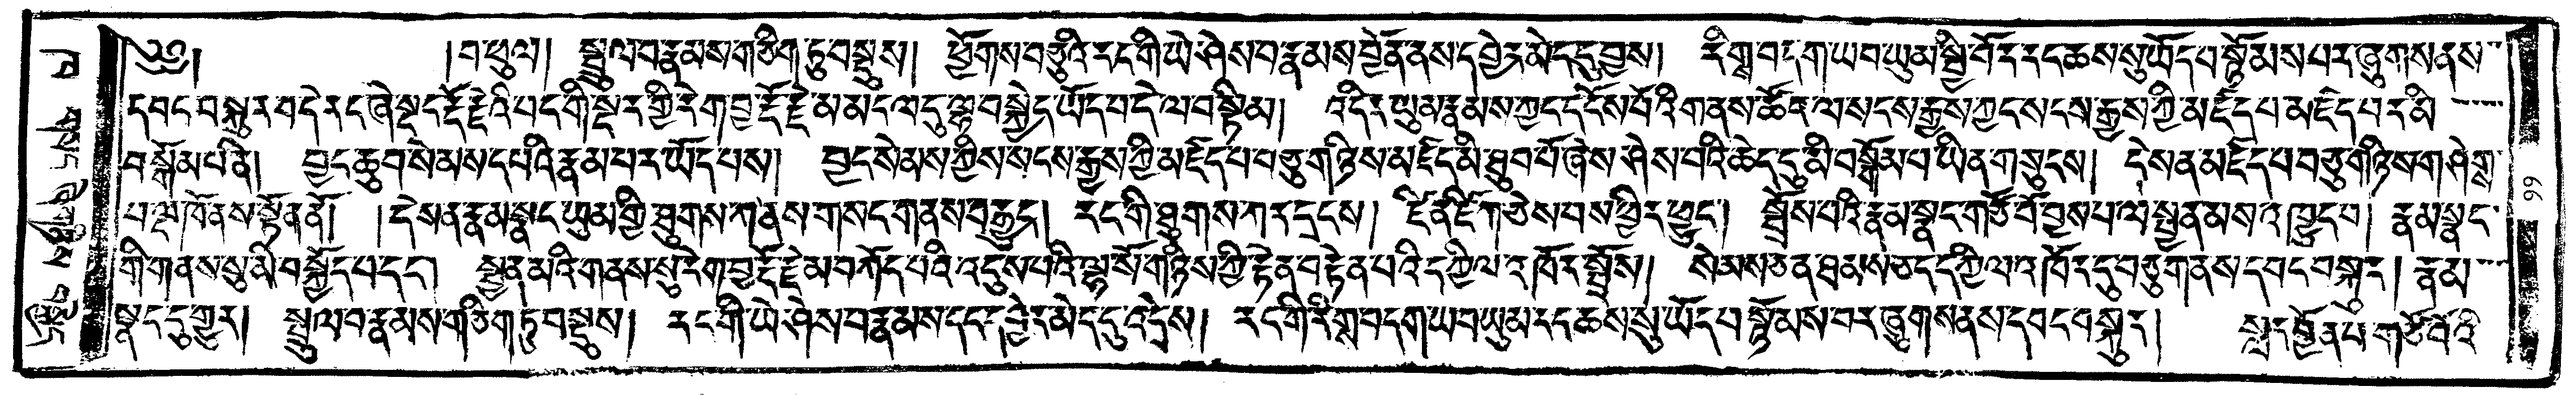༄༅། །བ་ཕུལ། སྤྲུལ་བ་རྣམས་གཅིག་ཏུ་བསྡུས། ཕྱོགས་བཅུའི་རང་གི་ཡེ་ཤེས་བ་རྣམས་བྱོན་ནས་དབྱེར་མེད་དུ་བྱས། རིགས་བདག་ཡབ་ཡུམ་སྤྱི་བོར་རང་ཆས་སུ་ཡོད་པ་སྙོམས་པར་ཞུགས་ནས་
དབང་བསྐུར་བ་དེ་རང་ཞེ་སྡང་རྡོ་རྗེའི་པང་གི་སྔར་གྱི་རེག་བྱ་རྡོ་རྗེ་མ་མངལ་དུ་ལྷ་བསྐྱེད་ཡོད་པ་དེ་ལ་བསྟིམ། འདིར་ཡུམ་རྣམས་ཀྱང་དངོས་པོའི་གནས་ཚོད་ལ་སངས་རྒྱས་ཀྱང་སངས་རྒྱས་ཀྱི་མཛད་པ་མཛད་པར་མི་
བསྒོམ་པ་ནི། བྱང་ཆུབ་སེམས་དཔའི་རྣམ་པར་ཡོད་པས། བྱང་སེམས་ཀྱིས་སངས་རྒྱས་ཀྱི་མཛད་པ་བཅུ་གཉིས་མཛད་མི་ཐུབ་པོ་ཞེས་ཤེས་པའི་ཆེད་དུ་མི་བསྒོམ་པ་ཡིན་གསུངས། དེས་ན་མཛད་པ་བཅུ་གཉིས་གཤེགས་
པ་ལྔ་ཁོ་ནས་སྟོན་ནོ། །དེས་ན་རྣམ་སྣང་ཡུམ་གྱི་ཐུགས་ཀ་ནས་གསང་གནས་བརྒྱུད། རང་གི་ཐུགས་ཀར་དྲངས། ཛི་ན་ཛིཀ་ཅེས་བས་ཕྱིར་ཕྱུང་། སྤྲོས་པའི་རྣམ་སྣང་གཙོ་བོ་བྱས་པ་ལ་སྤྱན་མས་འཁྱུད་པ། རྣམ་སྣང་
གི་གནས་སུ་མི་བསྐྱོད་པ་དང་། སྤྱན་མའི་གནས་སུ་རེག་བྱ་རྡོ་རྗེ་མ་བཀོད་པའི་འདུས་པའི་ལྷ་སོ་གཉིས་ཀྱི་རྟེན་བརྟེན་པའི་དཀྱིལ་འཁོར་སྤྲོས། སེམས་ཅན་ཐམས་ཅད་དཀྱིལ་འཁོར་དུ་བཅུག་ནས་དབང་བསྐུར། རྣམ་
སྣང་དུ་གྱུར། སྤྲུལ་བ་རྣམས་གཅིག་ཏུ་བསྡུས། རང་གི་ཡེ་ཤེས་པ་རྣམས་དང་དབྱེར་མེད་དུ་འདྲེས། རང་གི་རིགས་བདག་ཡབ་ཡུམ་དང་ཆས་སུ་ཡོད་པ་སྙོམས་པར་ཞུགས་ནས་དབང་བསྐུར། སླར་བྱོན་པ་གཙོ་བོའི་